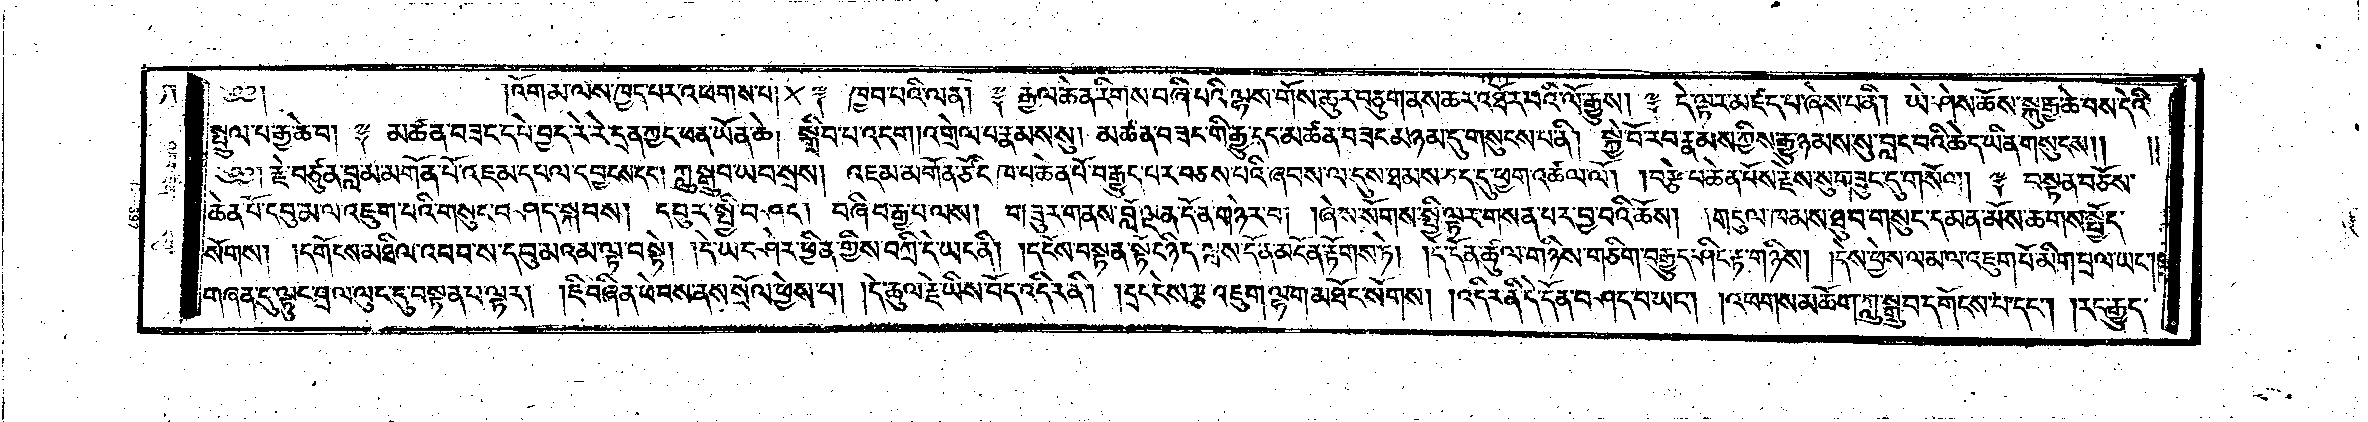༄༅། །འོག་མ་ལས་ཁྱད་པར་འཕགས་པ། ྾་༈ ཁྱབ་པའི་ལན། ༈ རྒྱལ་ཆེན་རིགས་བཞི་པའི་ལྷས་གོས་ཆུར་བཅུག་ནས་ཆར་འཐོར་བའི་ལོ་རྒྱུས། ༈ དེ་ལྟར་མཛད་པ་ཞེས་པ་ནི། ཡེ་ཤེས་ཆོས་སྐུ་རྒྱ་ཆེ་བས་དེའི་
སྤྲུལ་པ་རྒྱ་ཆེ་བ། ༈ མཚན་བཟང་དཔེ་བྱད་རེ་རེ་དྲན་ཀྱང་ཕན་ཡོན་ཆེ། སྒྲིབ་པ་འདག །འགྲེལ་པ་རྣམས་སུ། མཚན་བཟང་གི་རྒྱུ་དང་མཚན་བཟང་མཉམ་དུ་གསུངས་པ་ནི། སྐྱེ་བོ་རབ་རྣམས་ཀྱིས་རྒྱུ་ཉམས་སུ་བླང་བའི་ཆེད་ཡིན་གསུངས།། །།
༄༅། རྗེ་བཙུན་བླ་མ་མགོན་པོ་འཇམ་དཔལ་དབྱངས་དང་། ཀླུ་སྒྲུབ་ཡབ་སྲས། འཇམ་མགོན་ཙོང་ཁ་པ་ཆེན་པོ་བརྒྱུད་པར་བཅས་པའི་ཞབས་ལ་དུས་ཐམས་ཅད་དུ་ཕྱག་འཚལ་ལོ། །བརྩེ་པ་ཆེན་པོས་རྗེས་སུ་གཟུང་དུ་གསོལ། ༈ བསྟན་བཅོས་
ཆེན་པོ་དབུ་མ་ལ་འཇུག་པའི་གསུང་བཤད་སྐབས། དབུར་སྤྱི་བཤད། བཞི་བརྒྱ་པ་ལས། གཟུར་གནས་བློ་ལྡན་དོན་གཉེར་བ། །ཞེས་སོགས་སྤྱི་ལྟར་གསན་པར་བྱ་བའི་ཆོས། །གདུལ་ཁམས་ཐུབ་གསུང་དམན་མོས་ཆགས་སྤྱོད་
སོགས། །དགོངས་མཐིལ་འབབ་ས་དབུ་མའམ་ལྟ་བ་སྟེ། །དེ་ཡང་ཤེར་ཕྱིན་གྱིས་བཀྲི་དེ་ཡང་ནི། །དངོས་བསྟན་སྟོང་ཉིད་སྦས་དོན་མངོན་རྟོགས་ཏེ། །དེ་དོན་ཚུལ་གཉིས་གཅིག་བརྒྱུད་ཤིང་རྟ་གཉིས། །དེས་ཕྱེས་ལམ་ལ་འཇུག་པོ་མིག་བྲལ་ཡང་།
གཞན་དུ་ལྟུང་བྲལ་ལུང་དུ་བསྟན་པ་ལྟར། །ཇི་བཞིན་ཕེབས་ནས་སྲོལ་ཕྱེས་པ། །དེ་ཆུལ་རྗེ་ཡིས་བོད་འདིར་ནི། །དྲང་ངེས་རྩ་འཇུག་ལྷག་མཐོང་སོགས། །འདིར་ནི་དེ་དོན་བཤད་པ་ཡང་། །འཕགས་མཆོག་ཀླུ་སྒྲུབ་དགོངས་པ་དང་། །རང་རྒྱུད་